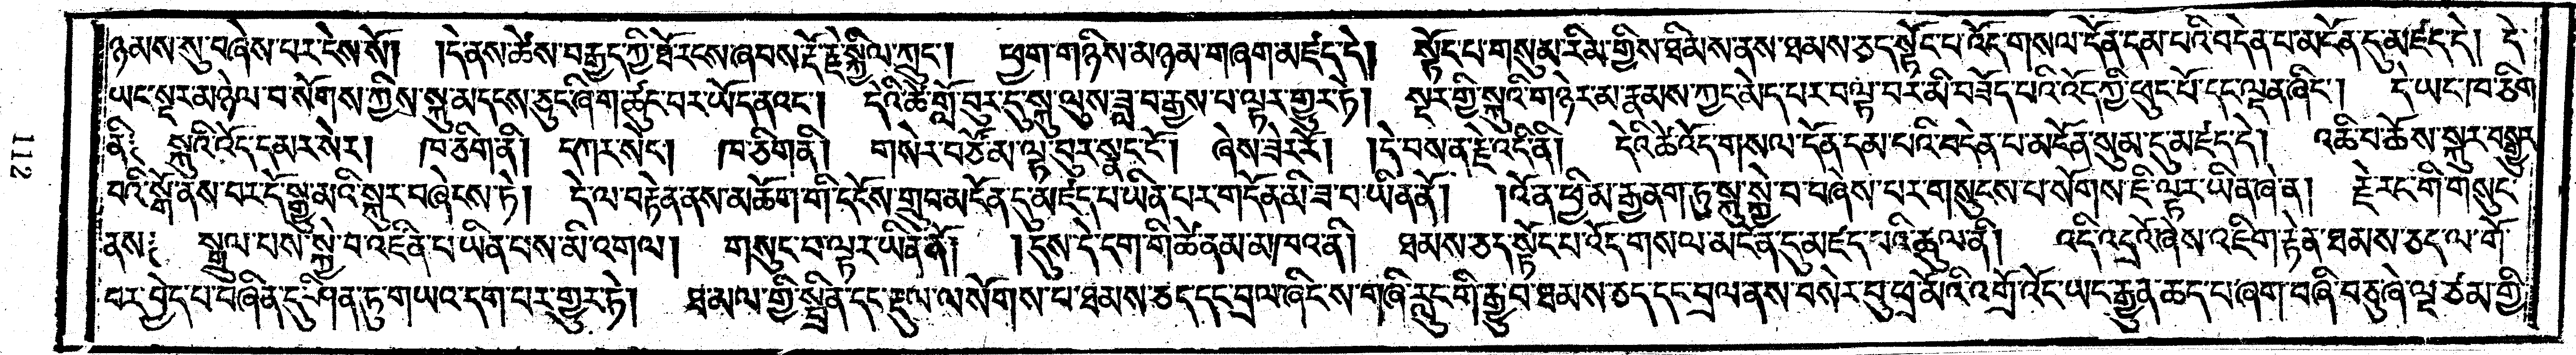ཉམས་སུ་བཞེས་པར་ངེས་སོ། །དེ་ནས་ཚེས་བརྒྱད་ཀྱི་ཐོ་རངས་ཞབས་རྡོ་རྗེ་སྐྱིལ་ཀྲུང་། ཕྱག་གཉིས་མཉམ་གཞག་མཛད་དེ། སྟོང་པ་གསུམ་རིམ་གྱིས་ཐིམས་ནས་ཐམས་ཅད་སྟོང་པ་འོད་གསལ་དོན་དམ་པའི་བདེན་པ་མངོན་དུ་མཛད་དེ། དེ་
ཡང་སྔར་མཉེལ་བ་སོགས་ཀྱིས་སྐུ་མདངས་ཅུང་ཞིག་ཚུང་བར་ཡོད་ནའང་། དེའི་ཚེ་གློ་བུར་དུ་སྐུ་ལུས་ཟླ་བ་རྒྱས་པ་ལྟར་གྱུར་ཏེ། སྔར་གྱི་སྐུའི་གཉེར་མ་རྣམས་ཀྱང་མེད་པར་བལྟ་བར་མི་བཟོད་པའི་འོད་ཀྱི་ཕུང་པོ་དང་ལྡན་ཞིང་། དེ་ཡང་ཁ་ཅིག་
ནི༑ སྐུའི་འོད་དམར་སེར། ཁ་ཅིག་ནི། དཀར་སེང་། ཁ་ཅིག་ནི། གསེར་བཙོམ་ལྟ་བུར་སྣང་ངོ། ཞེས་ཟེར་རོ། །དེ་བས་ན་རྗེ་འདི་ནི། དེའི་ཚེ་འོད་གསལ་དོན་དམ་པའི་བདེན་པ་མངོན་སུམ་དུ་མཛད་དེ། འཆི་བ་ཆོས་སྐུར་བསྒྱུར་
བའི་སྒོ་ནས་བར་དོ་སྒྱུ་མའི་སྐུར་བཞེངས་ཏེ། དེ་ལ་བརྟེན་ནས་མཆོག་གི་དངོས་གྲུབ་མངོན་དུ་མཛད་པ་ཡིན་པར་གདོན་མི་ཟ་བ་ཡིན་ནོ། །འོ་ན་ཕྱི་མ་རྒྱ་ནག་ཏུ་སྐུ་སྐྱེ་བ་བཞེས་པར་གསུངས་པ་སོགས་ཇི་ལྟར་ཡིན་ཞེ་ན། རྗེ་རང་གི་གསུང་
ནས༑ སྒྲུལ་པས་སྐྱེ་བ་འཛིན་པ་ཡིན་པས་མི་འགལ། གསུང་བ་ལྟར་ཡིན་ནོ། །དུས་དེ་དག་གི་ཚེ་ནམ་མཁའ་ནི། ཐམས་ཅད་སྟོང་པ་འོད་གསལ་མངོན་དུ་མཛད་པའི་ཚུལ་ནི། འདི་འདྲའོ་ཞེས་འཇིག་རྟེན་ཐམས་ཅད་ལ་གོ་
བར་བྱེད་པ་བཞིན་དུ་ཤིན་ཏུ་གཡའ་དག་པར་གྱུར་ཏེ། ཐ་མལ་གྱི་སྤྲིན་དང་རྡུལ་ལ་སོགས་པ་ཐམས་ཅད་དང་བྲལ་ཞིང་ས་གཞི་རླུང་གི་རྒྱུ་བ་ཐམས་ཅད་དང་བྲལ་ནས་བསེར་བུ་ཕྲ་མོའི་འགྲོ་འོང་ཡང་རྒྱུན་ཆད་པ་ཞག་བཞི་བཅུ་ཞེ་ལྔ་ཙམ་གྱི་